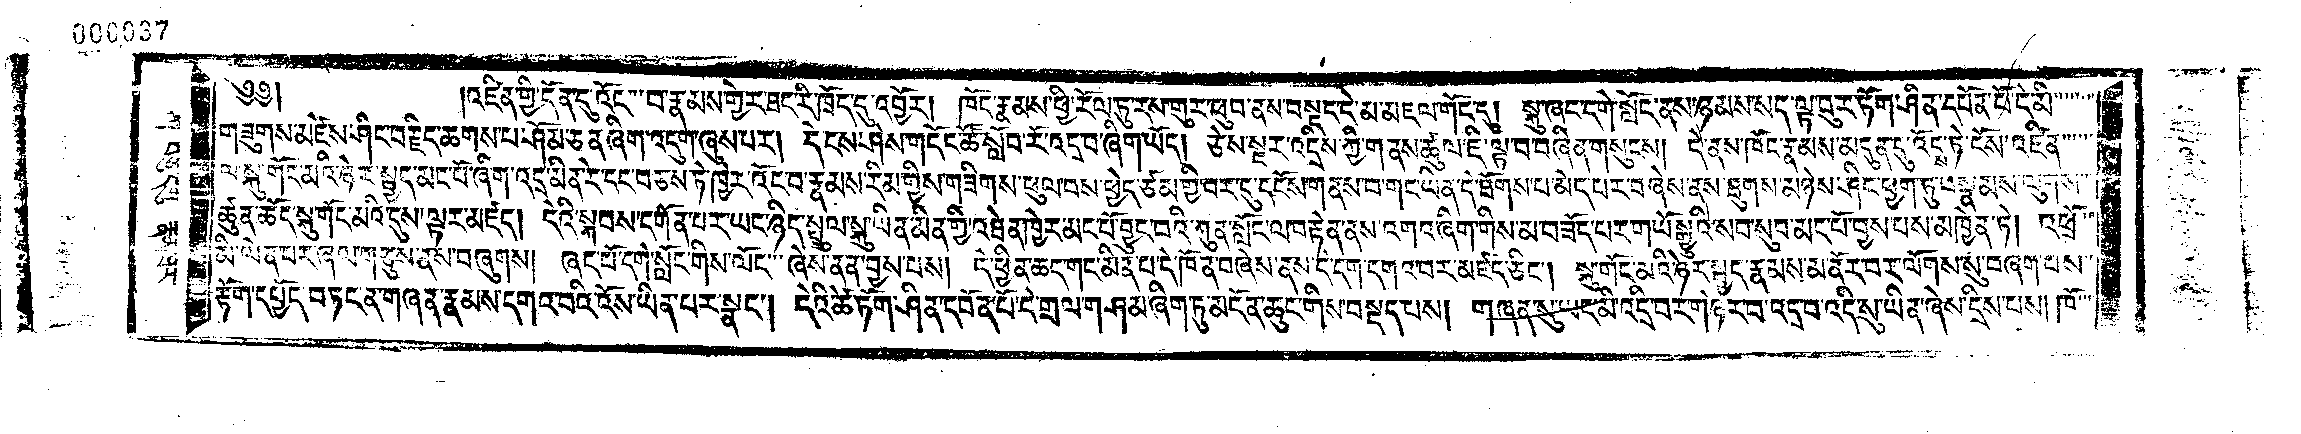༄༅། །འཛིན་གྱི་དོན་དུ་འོང་བ་རྣམས་གྱེར་ཐང་རི་ཁྲོད་དུ་འབྱོར། ཁོང་རྣམས་ཕྱི་རོལ་ཏུ་རས་གུར་ཕུབ་ནས་བསྡང་དེ་མ་མཇལ་གོང་དུ། སྐུ་ཞང་དགེ་སློང་ནས་ཉམས་སད་ལྟ་བུར་ཏོག་ཤིན་དཔོན་པོ་དེ་མི་
གཟུགས་མཛེས་ཤིང་བརྗིད་ཆགས་པ་ཤོམ་ཅན་ཞིག་འདུག་ཞུས་པར། དེ་ངས་ཤེས་གདོང་ཚོ་སློབ་རོ་འདྲ་བ་ཞིག་ཡོད། ཅེས་སྔར་འདྲིས་ཀྱི་གནས་ཚུལ་ཇི་ལྟ་བ་བཞིན་གསུངས། དེ་ནས་ཁོང་རྣམས་མདུན་དུ་འོད་ཏེ་ངོས་འཛིན་
ལ་སྐུ་གོང་མའི་ཉེར་སྤྱད་མང་པོ་ཞིག་འདྲ་མིན་རེ་དང་བཅས་ཏེ་ཁྱེར་འོང་བ་རྣམས་རིམ་གྱིས་གཟིགས་ཕུལ་བས་ཕྱེད་ཙམ་གྱི་བར་དུ་དངོས་གནས་པ་གང་ཡིན་དེ་ཐོགས་པ་མེད་པར་བཞེས་ནས་ཐུགས་མཉེས་ཤིང་ཕྱག་ཏུ་བསྣམས་ལུགས་
ཚུན་ཆོད་སྐུ་གོང་མའི་དུས་ལྟར་མཛད། དེའི་སྐབས་དགོན་པར་ཡང་ཉིད་སྤྲུལ་སྐུ་ཡིན་མིན་གྱི་འཐེན་ཁྱེར་མང་པོ་བྱུང་བའི་ཀུན་སློང་ལ་བརྟེན་ནས་འགའ་ཞིག་གིས་མ་བཟོད་པར་གཡོ་སྒྱུའི་སབ་སུབ་མང་པོ་བྱས་པས་མཁྱེན་ཏེ། འཕྲོ་
མི་ལེན་པར་ཞལ་གཅུས་ནས་བཞུགས། ཞང་པོ་དགེ་སློང་གིས་ལོང་ཞེས་ནན་བྱས་པས། དེ་ཕྱིན་ཆད་གང་མིན་པ་དེ་ཁོ་ན་བཞེས་ནས་དེ་དག་དགའ་བར་མཛད་ཅིང་། སྐུ་གོང་མའི་ཉེར་སྤྱད་རྣམས་མ་ནོར་བར་ལོགས་སུ་བཞག་པས་
རྟོག་དཔྱོད་བཏང་ན་གཞན་རྣམས་དགའ་བའི་འོས་ཡིན་པར་སྣང་། དེའི་ཚེ་ཏོག་ཤིན་དཔོན་པོ་དེ་གྲལ་གཤམ་ཞིག་ཏུ་མངོན་ཆུང་གིས་བསྡད་པས། གཞན་སུ་ཡང་མི་འདྲི་བར་གཉེར་བ་འདྲ་བ་འདི་སུ་ཡིན་ཞེས་དྲིས་པས། ཁོ་